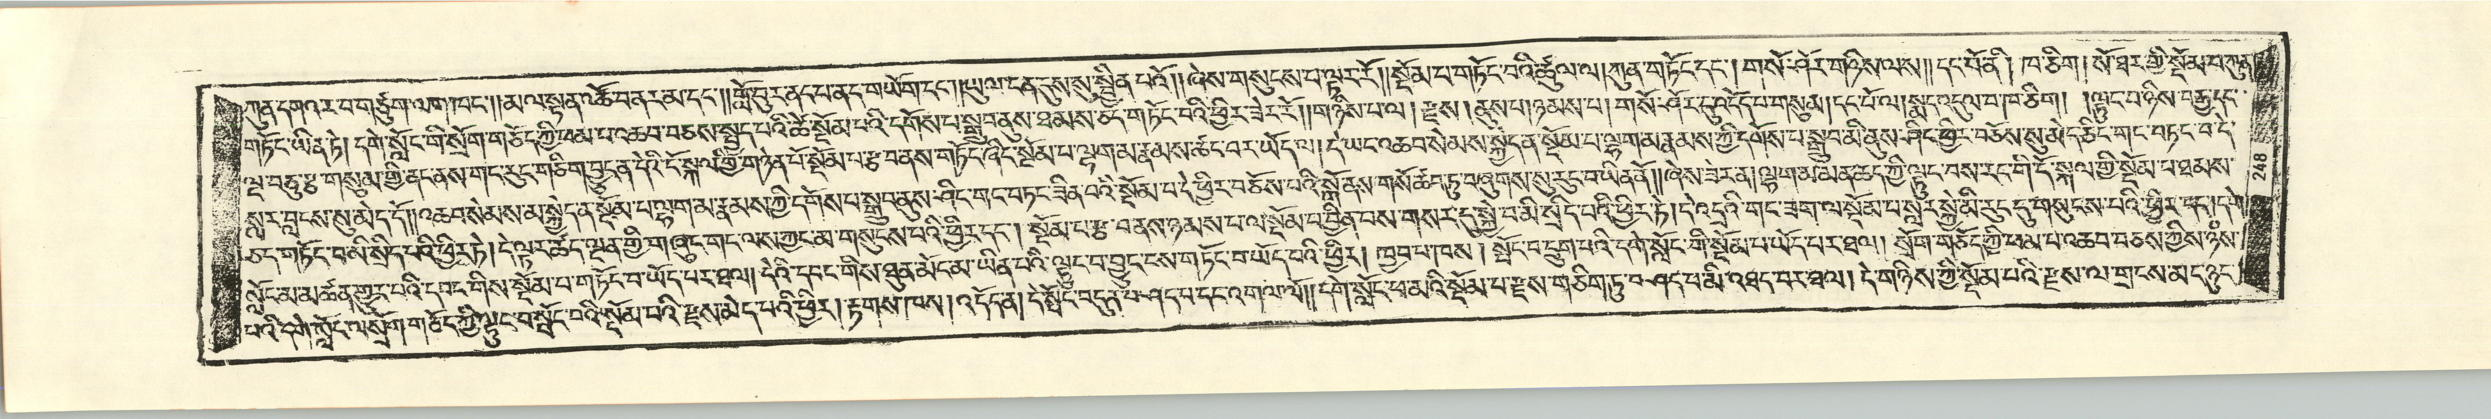ཀུན་དགའ་ར་བ་གཙུག་ལག་ཁང་། །མལ་སྟན་འཚོ་བ་ནར་མ་དང་། གློ་བུར་ནང་པ་ནད་གཡོག་དང་། །ཡུལ་ངན་དུས་སུ་སྦྱིན་པའོ། །ཞེས་གསུངས་པ་ལྟར་རོ། །སྡོམ་པ་གཏོང་བའི་ཚུལ་ལ། ཀུན་གཏོང་དང་། གསོ་ཤོར་གཉིས་ལས། །དང་པོ་ནི། ཁ་ཅིག། སོ་ཐར་གྱི་སྡོམ་པ་ཀུན་
གཏོང་ཡིན་ཏེ། དགེ་སློང་གི་སྲོག་གཅོད་ཀྱི་ཕམ་པ་འཆབ་བཅས་སྤྱད་པའི་ཚེ་སྡོམ་པའི་དགོས་པ་སྒྲུབ་ནུས་ཐམས་ཅད་གཏོང་བའི་ཕྱིར་ཟེར་རོ། །གཉིས་པ་ལ། རྫས། ནུས་པ། ཉམས་པ། གསོ་ཤོར་དུ་འདོད་པ་གསུམ། དང་པོ་ལ། སྨད་འདུལ་བ་ཁ་ཅིག། །ལྟུང་བ་ཉིས་བརྒྱ་དང་
ལྔ་བཅུ་རྩ་གསུམ་གྱི་ནང་ནས་གང་རུང་གཅིག་བྱུང་ན་དེའི་ངོ་སྐལ་གྱི་གཉེན་པོ་སྔོམ་པ་རྩ་བ་ནས་གཏོང་ཞིང་སྡོམ་པ་ལྷག་མ་རྣམས་ཚང་བར་ཡོད་ལ། དེ་ཡང་འཆབ་སེམས་སྐྱེད་ན་སྡོམ་པ་ལྷག་མ་རྣམས་ཀྱི་དགོས་པ་སྒྲུབ་མི་ནུས་ཤིང་ཕྱིར་བཅོས་སུ་མེད་ཅིང་གང་བཏང་བ་དེ་
སླར་བླངས་སུ་མེད་དོ། །འཆབ་སེམས་མ་སྐྱེད་ན་སྡོམ་པ་ལྷག་མ་རྣམས་ཀྱི་དགོས་པ་སྒྲུབ་ནུས་ཤིང་གང་བཏང་ཟིན་བའི་སྡོམ་པ་དེ་ཕྱིར་བཅོས་པའི་སྒོ་ནས་གསོ་ཚབ་ཏུ་བཞུགས་སུ་རུང་བ་ཡིན་ནོ། །ཞེས་ཟེར་ན། ལྷག་མ་མན་ཆད་ཀྱི་ལྟུང་བས་རང་གི་དོ་སྐལ་གྱི་སྡོམ་པ་ཐམས་
ཅད་གཏོང་བ་མི་སྲིད་པའི་ཕྱིར་ཏེ། དེ་ལྟར་ཚད་ལྡན་གྱི་གཞུང་གང་ལས་ཀྱང་མ་གསུངས་པའི་ཕྱིར་དང་། སྡོམ་པ་རྩ་བ་ནས་ཉམས་པ་ལ་སྡོམ་པ་བྱིན་པས་གསར་དུ་སྐྱེ་བ་མི་སྲིད་པའི་ཕྱིར་ཏེ། དེ་འདྲའི་གང་ཟག་ལ་སྡོམ་པ་སླར་སྐྱེ་མི་རུང་དུ་གསུངས་པའི་ཕྱིར་དང་། དགེ་
སློང་མ་མཚན་གྱུར་བའི་དབང་གིས་སྡོམ་པ་གཏོང་བ་ཡོད་པར་ཐལ། དེའི་དབང་གིས་ཐུན་མོང་མ་ཡིན་པའི་ལྟུང་བ་བྱུང་ངས་གཏོང་བ་ཡོད་པའི་ཕྱིར། ཁྱབ་པ་ཁས། སྤོང་བ་དྲུག་པའི་དགེ་སློང་གི་སྡོམ་པ་ཡོད་པར་ཐལ། སྲོག་གཅོད་ཀྱི་ཕམ་པ་འཆབ་བཅས་ཀྱིས་ཉམས་
པའི་དགེ་སློང་ལ་སྲོག་གཅོད་ཀྱི་ལྟུང་བ་སྤོང་བའི་སྡོམ་པའི་རྫས་མེད་པའི་ཕྱིར། རྟགས་ཁས། འདོད་ན། དེ་སྤོང་བདུན་པ་ཤད་པ་དང་འགལ་ལོ། །དགེ་སློང་ཕ་མའི་སྡོམ་པ་རྫས་གཅིག་ཏུ་བཤད་པ་མི་འཐད་བར་ཐལ། དེ་གཉིས་ཀྱི་སྡོམ་པའི་རྫས་ལ་གྲངས་མང་ཉུང་